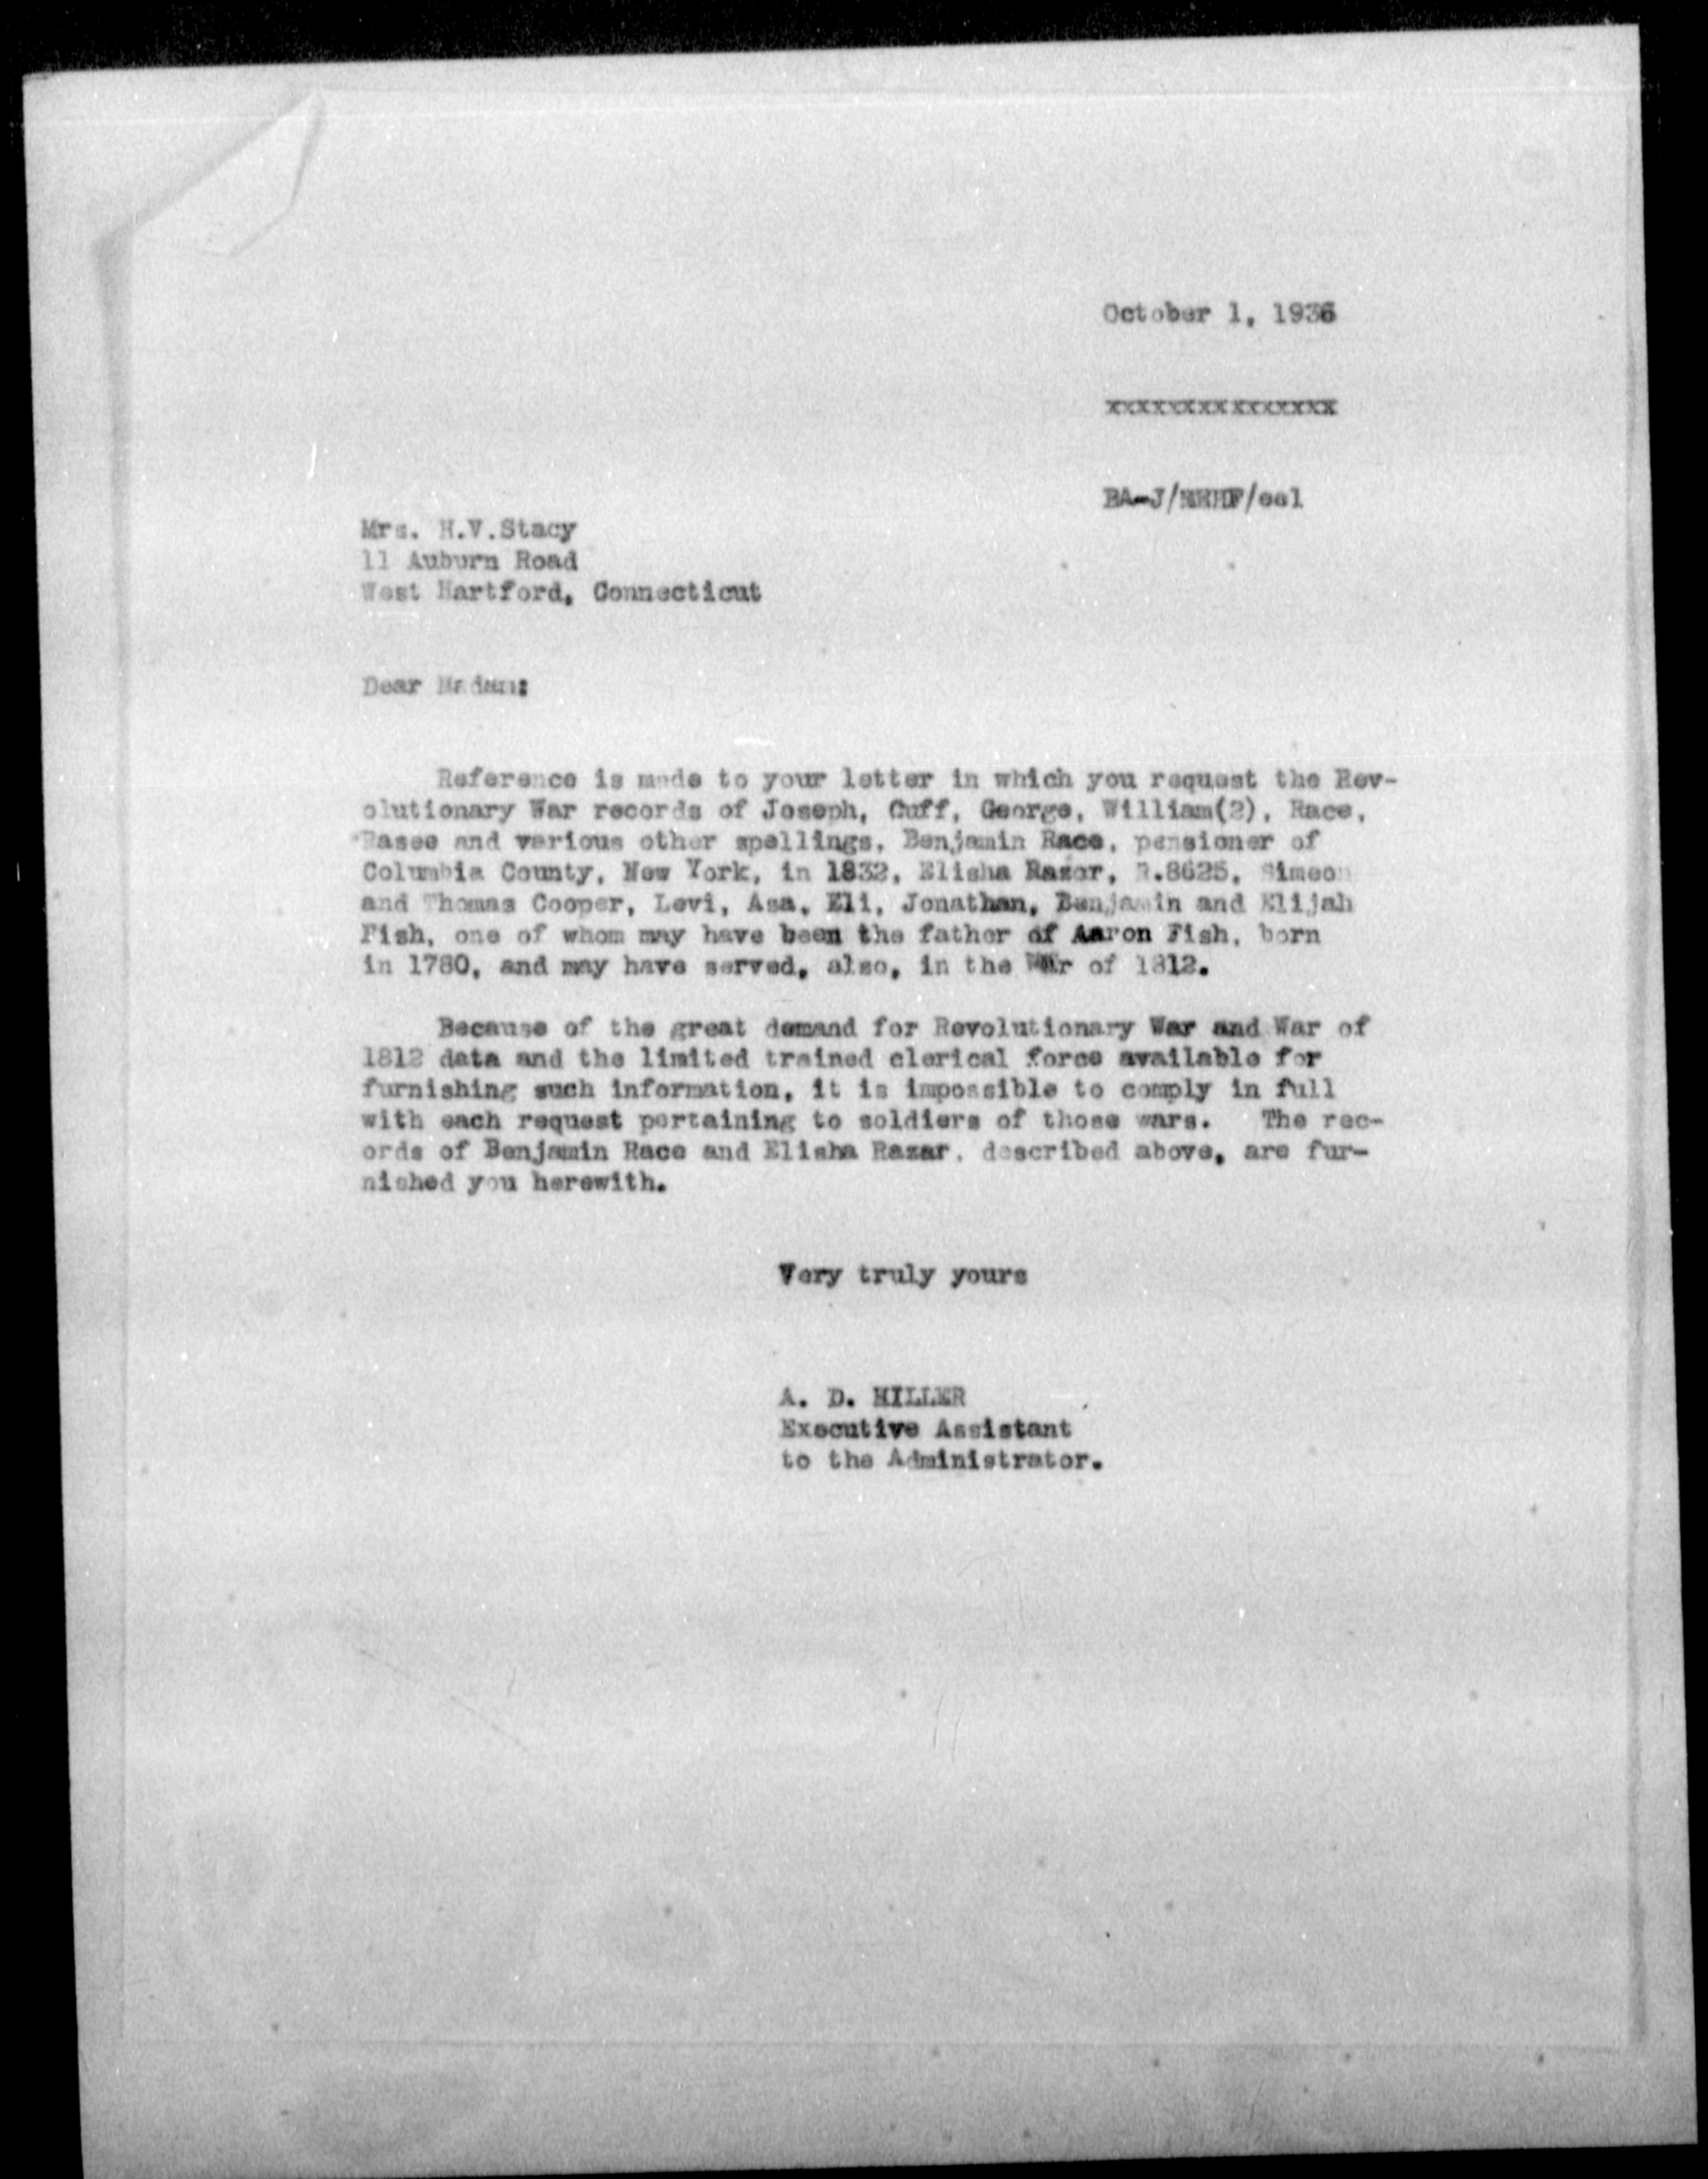October 1, 1936

XXXXXXXXXXXXXXX

BA-J/RRHF/eel

Mrs. H. V. Stacy
11 Auburn Road
West Hartford, Connecticut

Dear Madam:

Reference is made to your letter in which you request the Revolutionary
War records of Joseph, Cuff, George, William (2), Race,
Rasse and various other spellings, Benjamin Race, pensioner of
Columbia County, New York, in 1832, Elisha Razor, R.8625, Simeon
and Thomas Cooper, Levi, Asa, Eli, Jonathan, Benjamin and Elijah
Fish, one of whom may have been the father of Aaron Fish, born
in 1780, and may have served, also, in the War of 1812.
Because of the great demand for Revolutionary War and War of
1812 data and the limited trained clerical force available for
furnishing such information, it is impossible to comply in full
with each request pertaining to soldiers of those wars. The records
of Benjamin Race and Elisha Razar, described above, are furnished
you herewith.
Very truly yours
A. D. HILLER
Executive Assistant
to the Administrator.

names: [BLANK] Rasse; Levi Fish; Benjamin Race; Benjamin Race; Elijah Fish; George [BLANK]; Elisha Razar; A D Hiller; Asa Fish; Thomas Cooper; Joseph [BLANK]; [BLANK] Race; Aaron Fish; Eli Fish; Benjamin Fish; William [BLANK]; Elisha Razar; Simeon Cooper; H V Stacy; Jonathan Fish; Cuff [BLANK]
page: 30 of 30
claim: rejected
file: R. 8625, for Elisha Razar, Connecticut